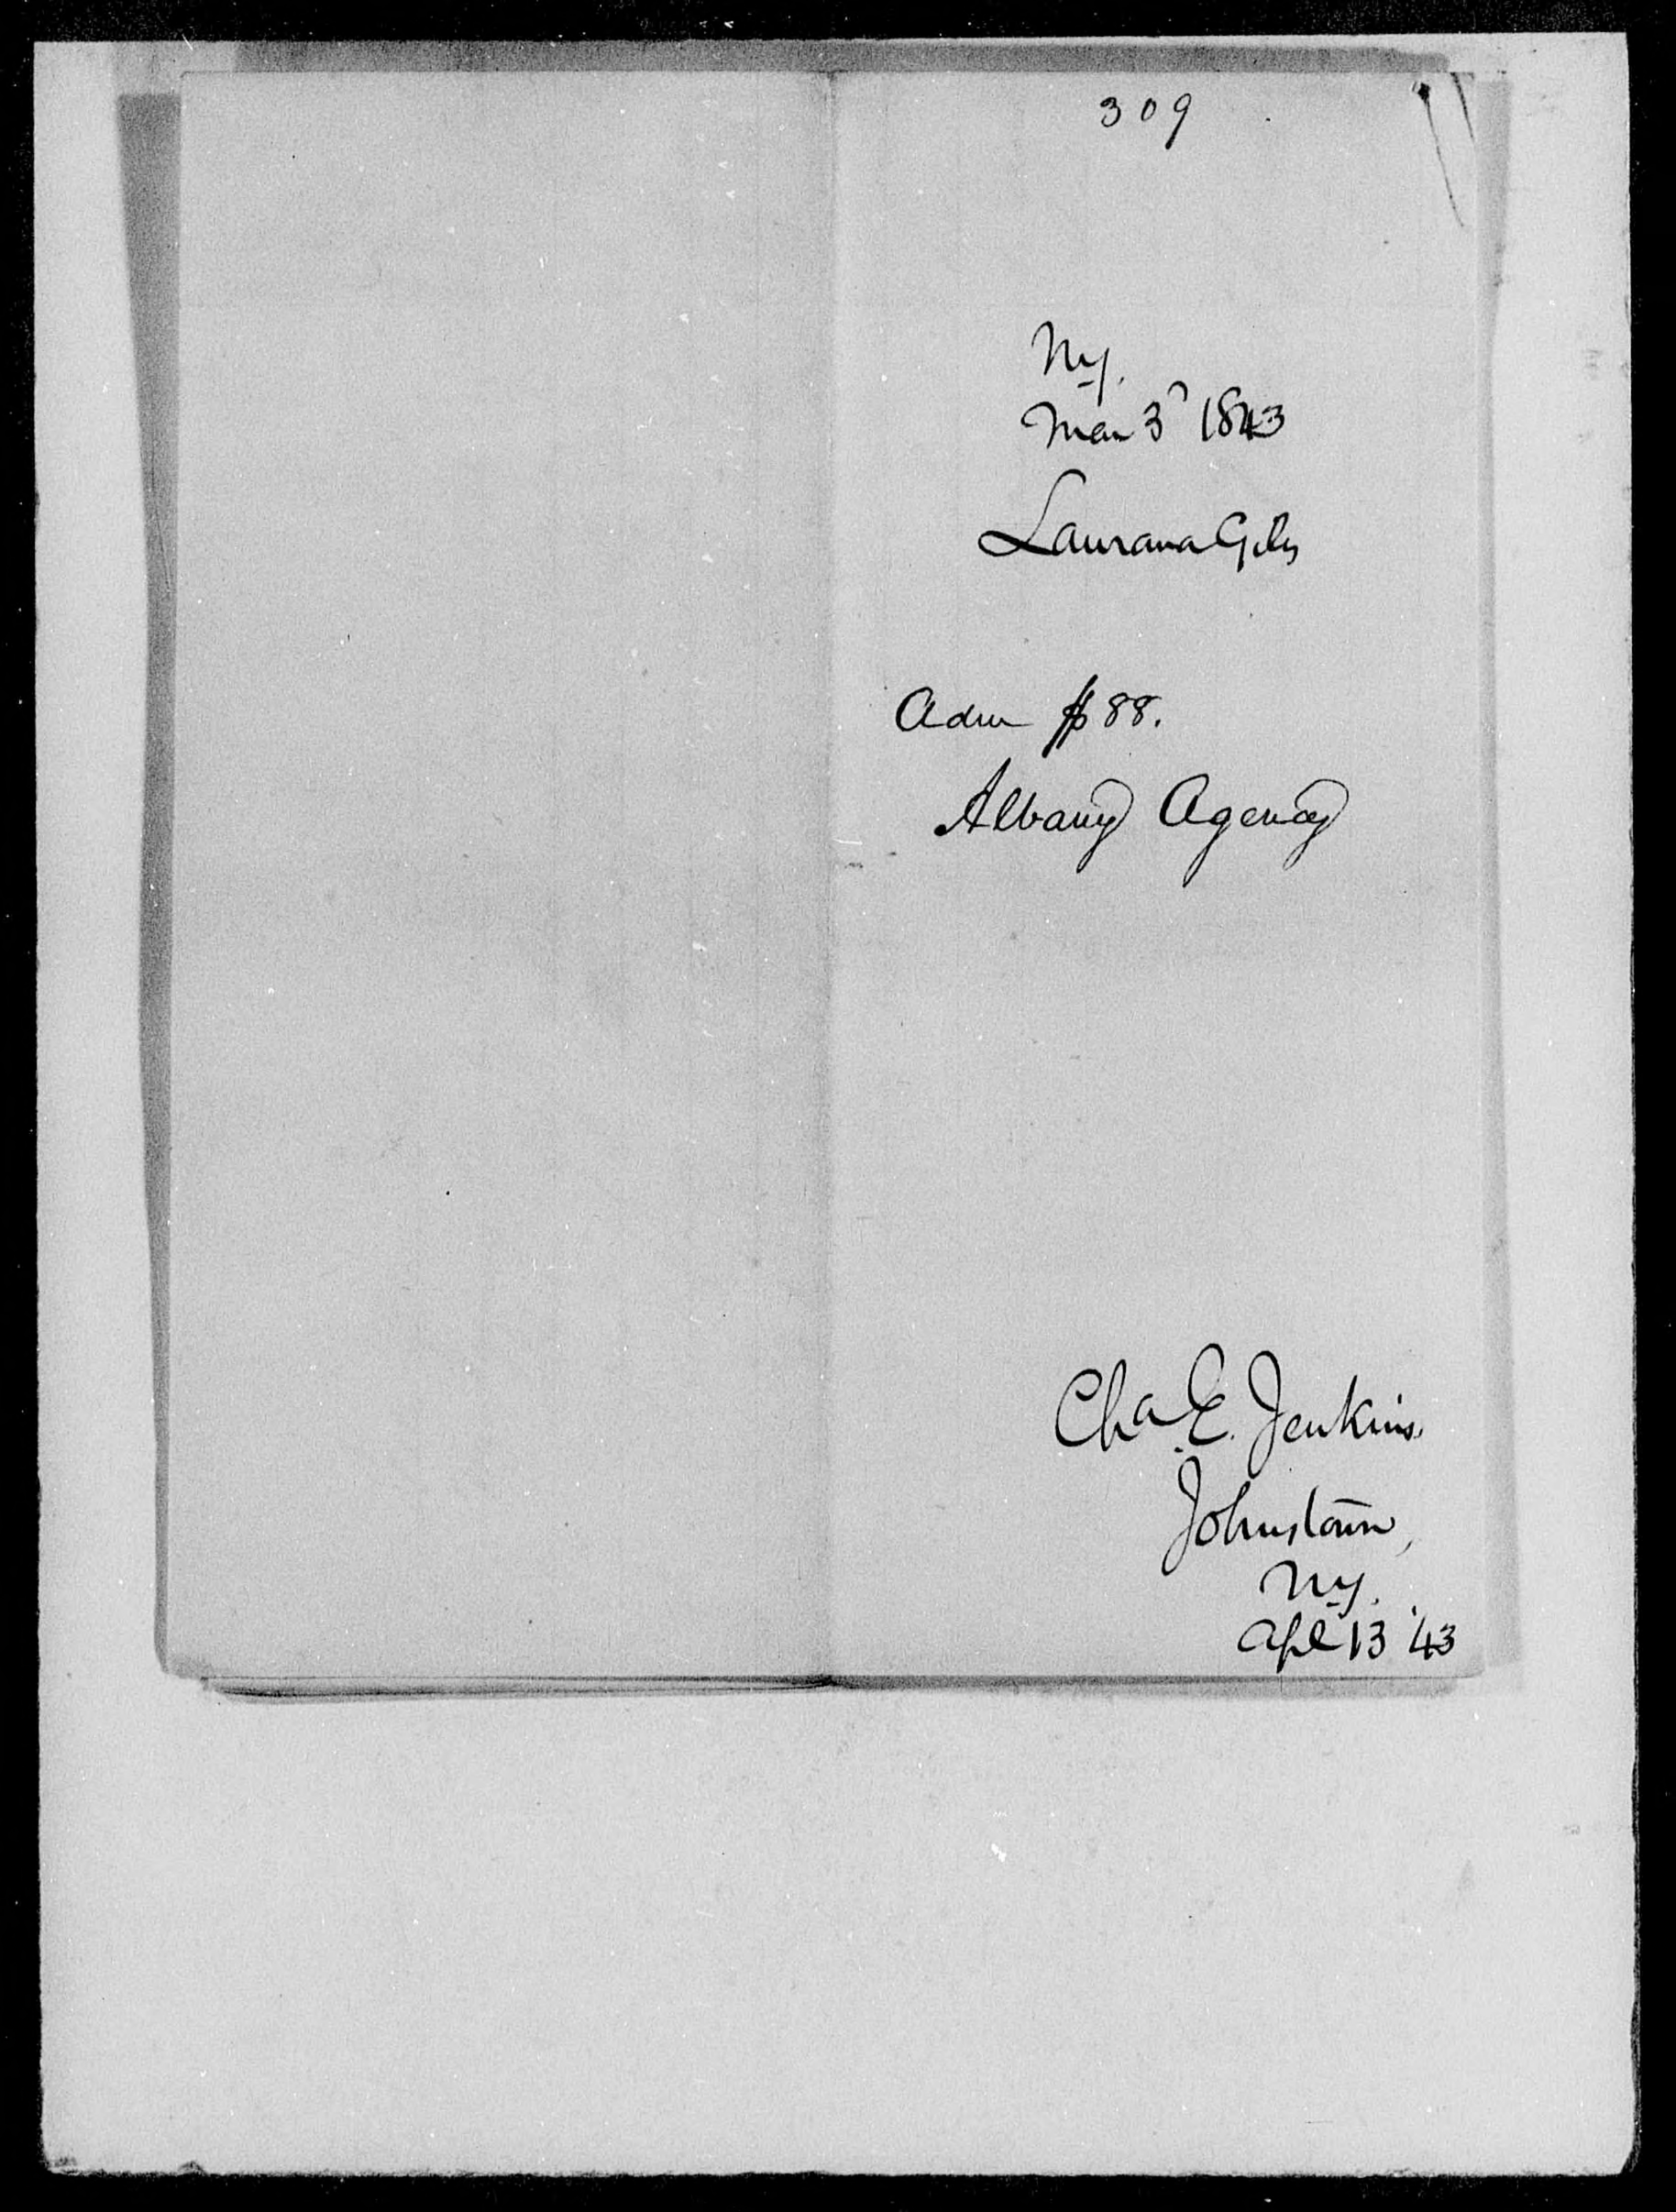[handwritten]
Ny
Mar 3 1843
Laurana Giles
Adv $88.
Albany Agency
Cha E Jenkins
Johnstown, Ny
Apl 13 '43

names: Cha E Jenkins, Laurana Giles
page: 42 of 55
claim: widow's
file: W. 19503, Samuel Giles, Conti. Mass. New York